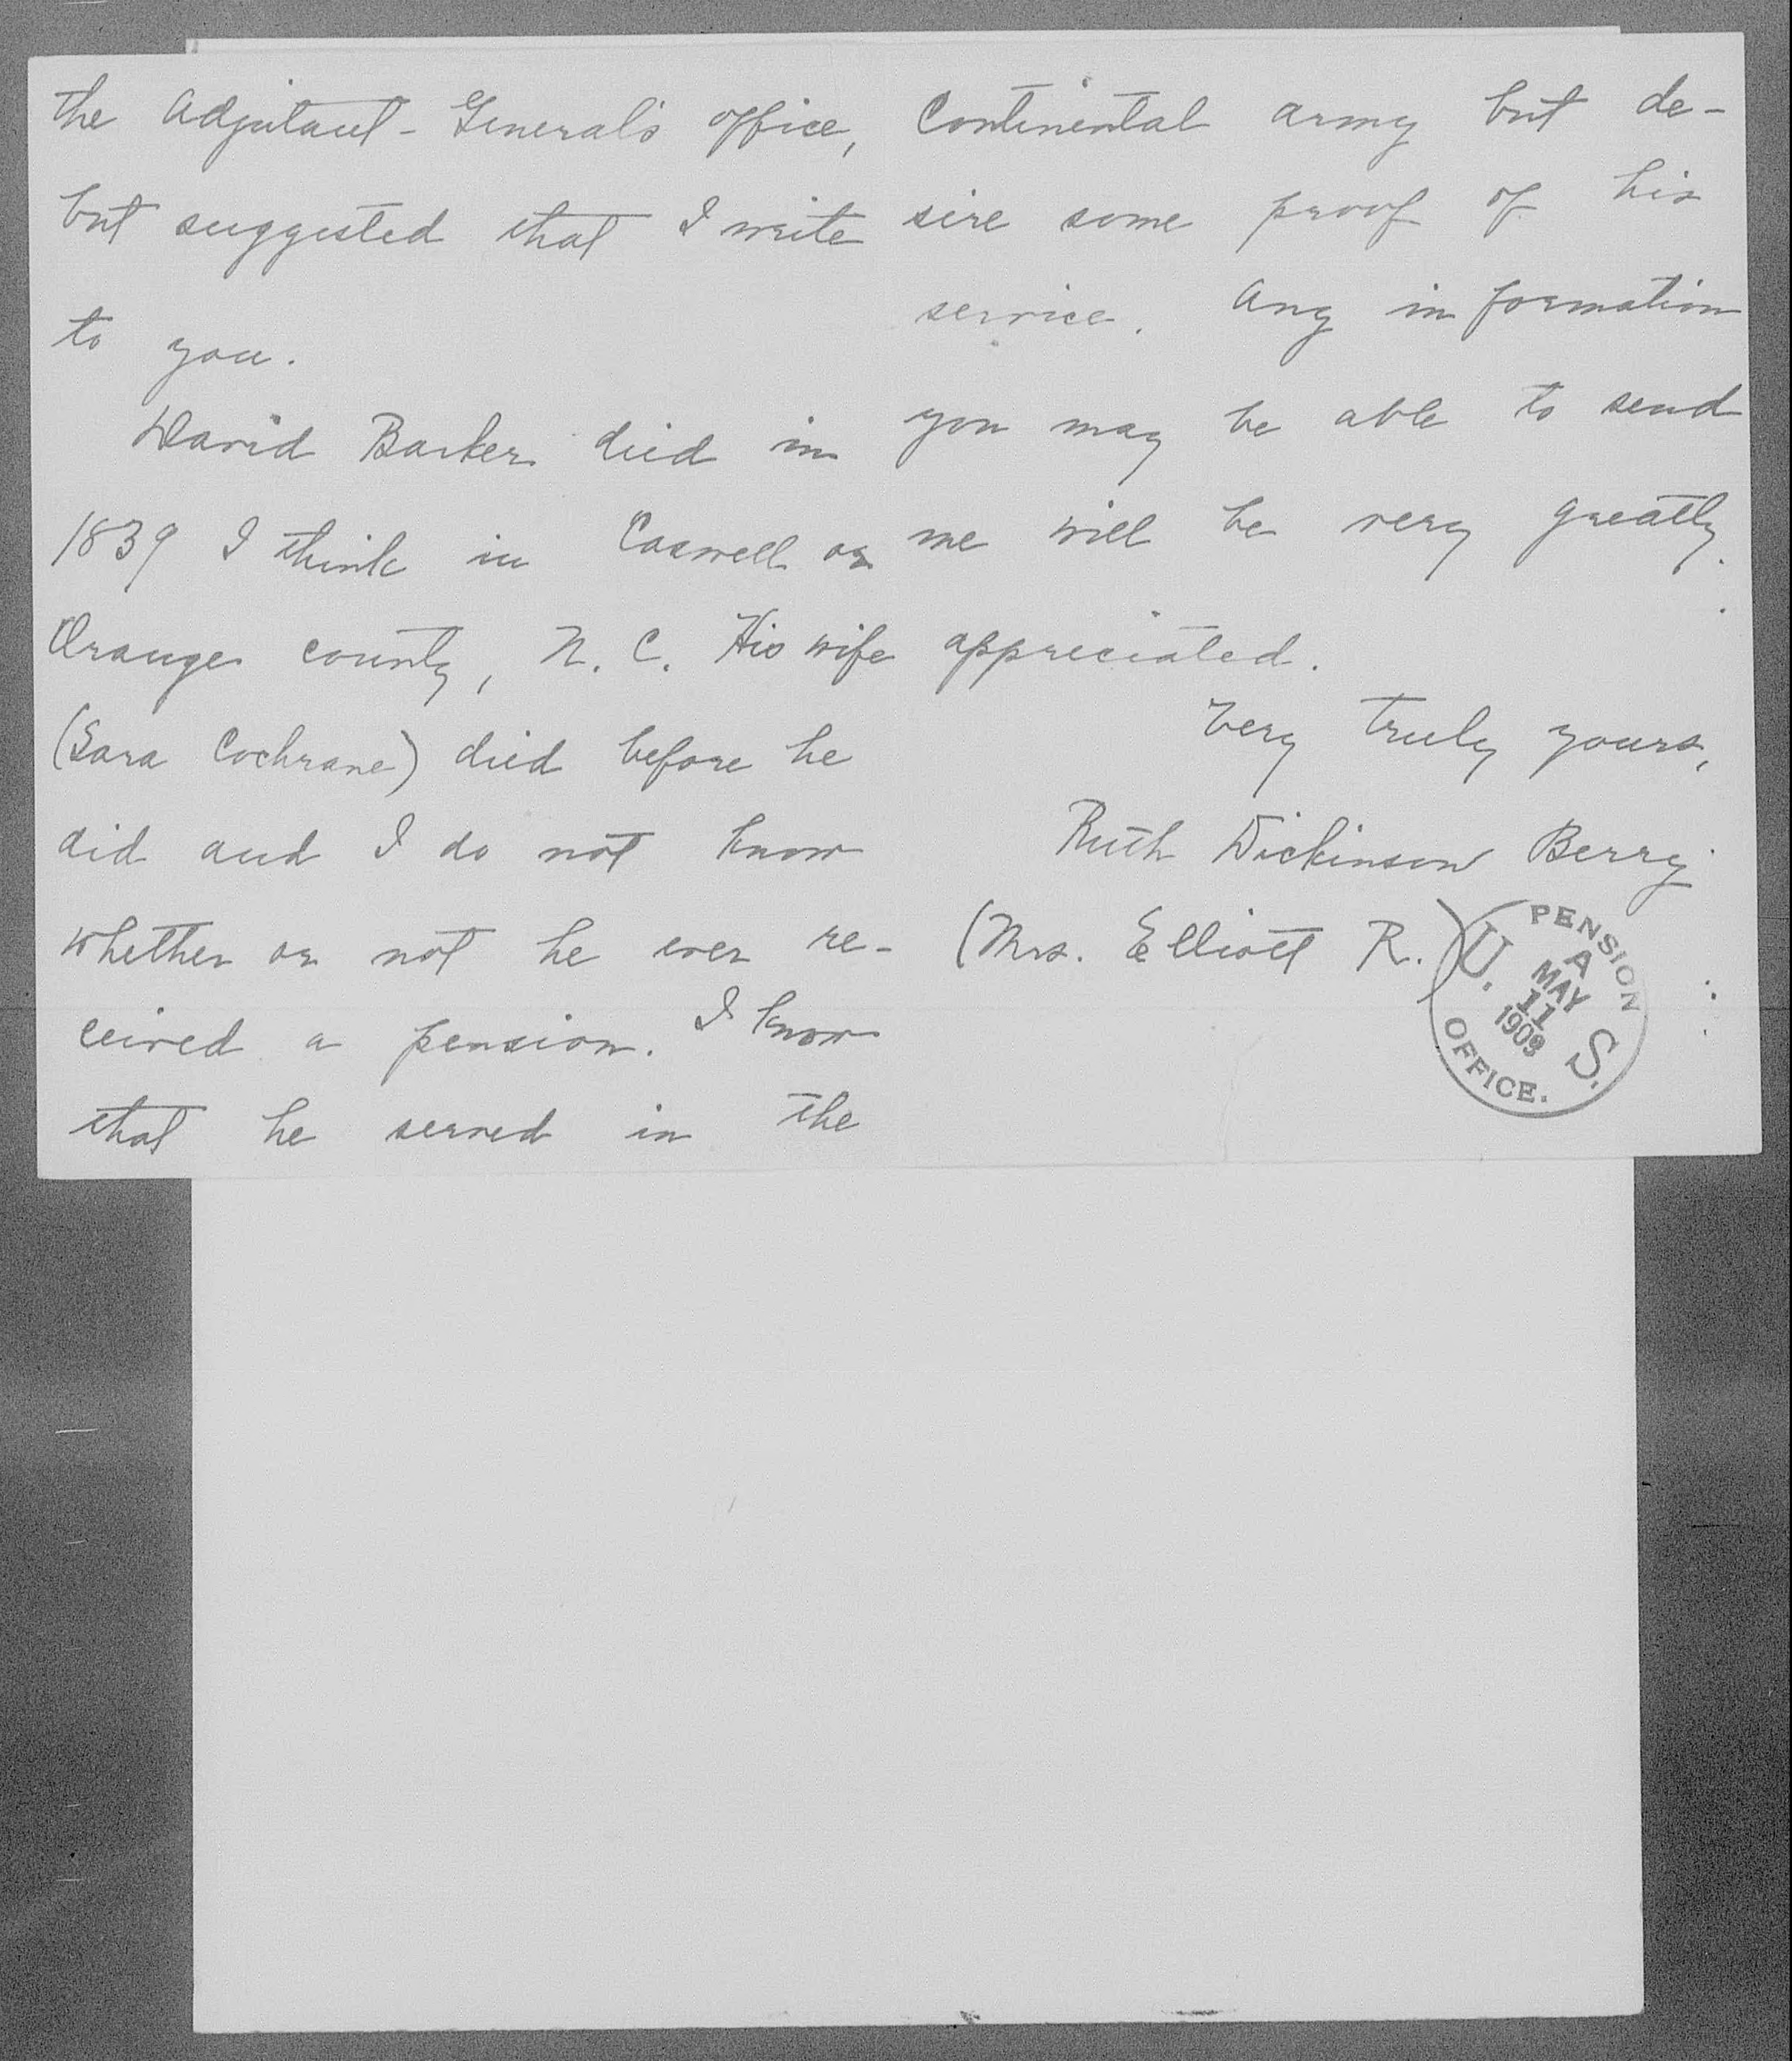[left side of page -The Adjutant – General’s office, [but] suggested that I write to you. 
David Barker died in 1839 I think in Caswell or Orange County, N.C. His wife (Sara Cochrane), died before he did and I do not know whether or not he ever received a pension. I know that he served in the] end left side 

[right side of page - Continental Army but desire some proof of his service. Any information you may be able to send me will be very greatly appreciated.
Very truly yours,
Ruth Dickinson Berry (Mrs. Elliott R.)] end right side

[Stamped – PENSION A MAY 11 1909 OFFICE. U. S.]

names: Ruth Dickinson Berry, Sara Cochrane, David Barker, Elliott R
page: 19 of 23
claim: survivor's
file: S. 6560, David Barker, N.C.